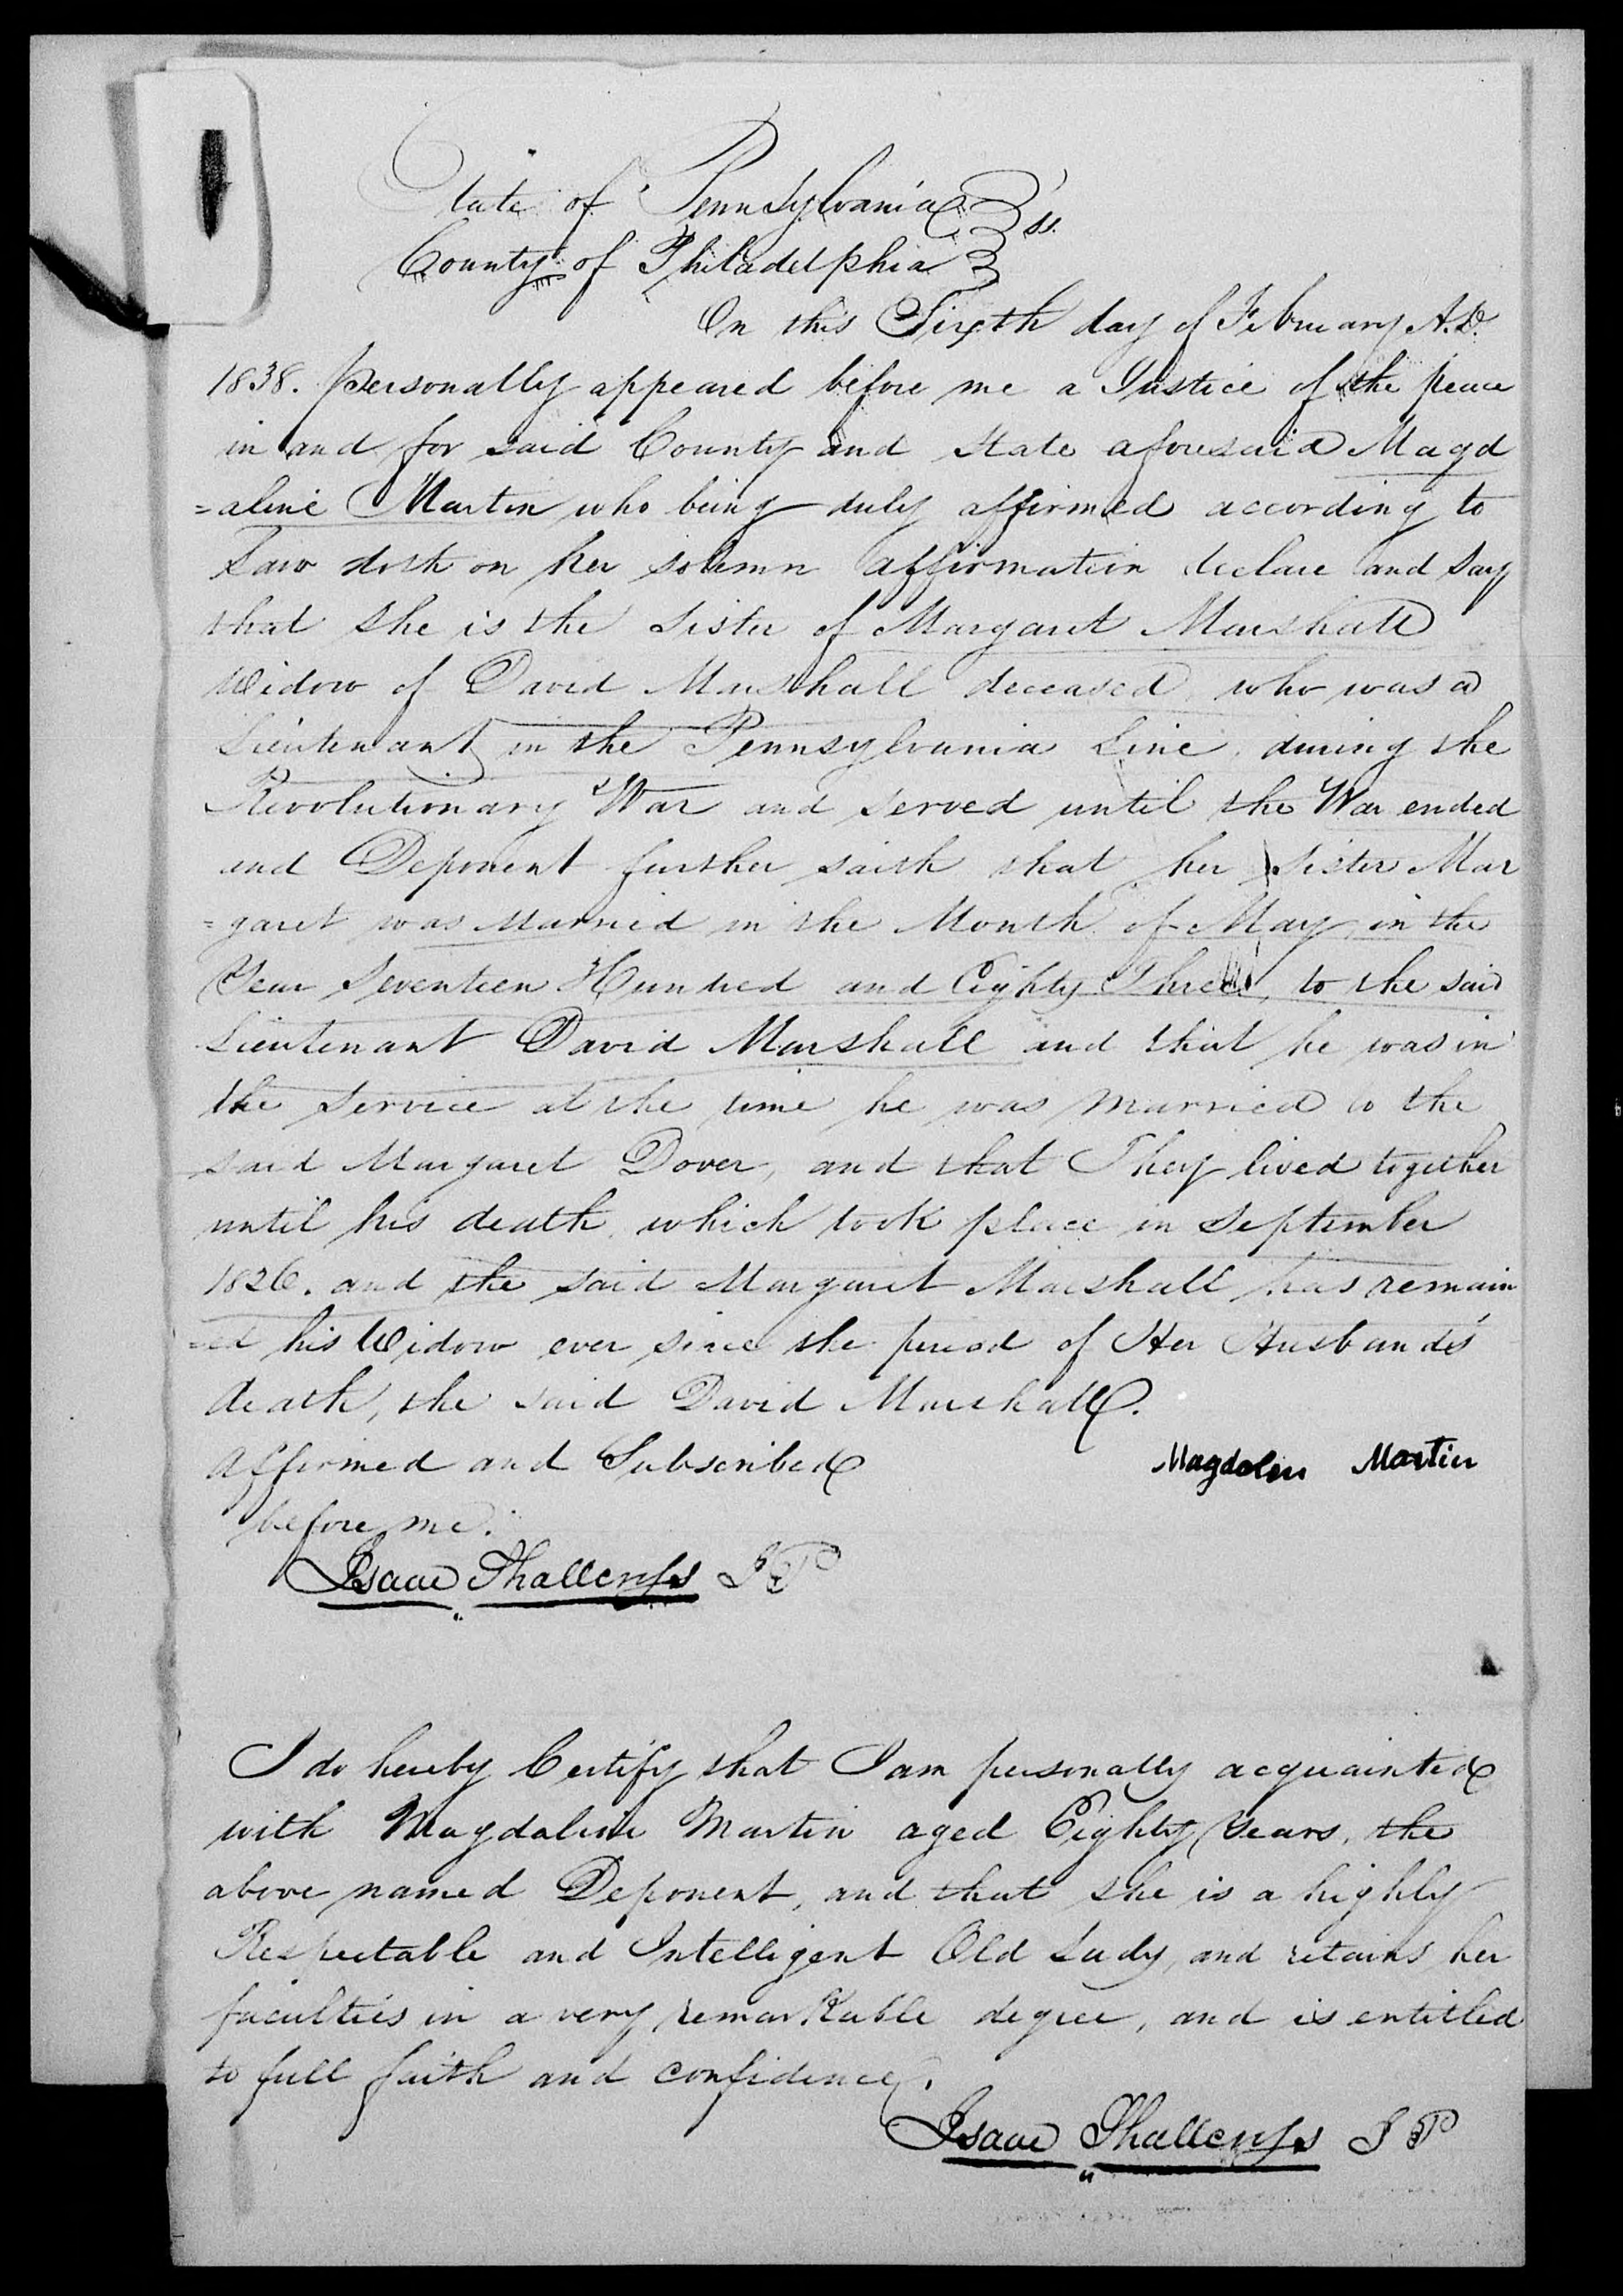State of Pennsylvania
County of Phildelphia

On this sixth day of February A.D. 1838 personally appeared before me a Justice of the peace in and for said County and State aforesaid Magdaline Martin who being duly affirmed according to [ineligible] doth on her solemn affirmation declare and say that she is the sister of Margaret Marshall widow of David Marshall deceased who was a Lieutenant in the Pennsylvania Line during the Revolutionary War and served until the war ended and Deponent further saith that her sister Margaret was married in the month of May in the year Seventeen Hundred and Eighty Three to the said Lieutenant David Marshall and that he was in the service at the time he was married to the said Margaret Dover, and that they lived together until his death which took place in September 1826 and the said Margaret Marshall remained his widow ever since the period of her husbands death, the said David Marshall. 
Magdaline Martin

Affirmed and subscribed before me
Isaac Shallcross JP

I do hereby certify that I am personally acquainted with Magdaline Martin aged eighty years, the above named Deponent, and that she is a highly respectable and intelligent old lady, and retains her faculties in a very remarkable degree, and is entitled to full faith and confidence. 

Isaac Shallcross JP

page: 84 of 86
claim: widow's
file: W. 3571, for David Marshall, Pennsylvania